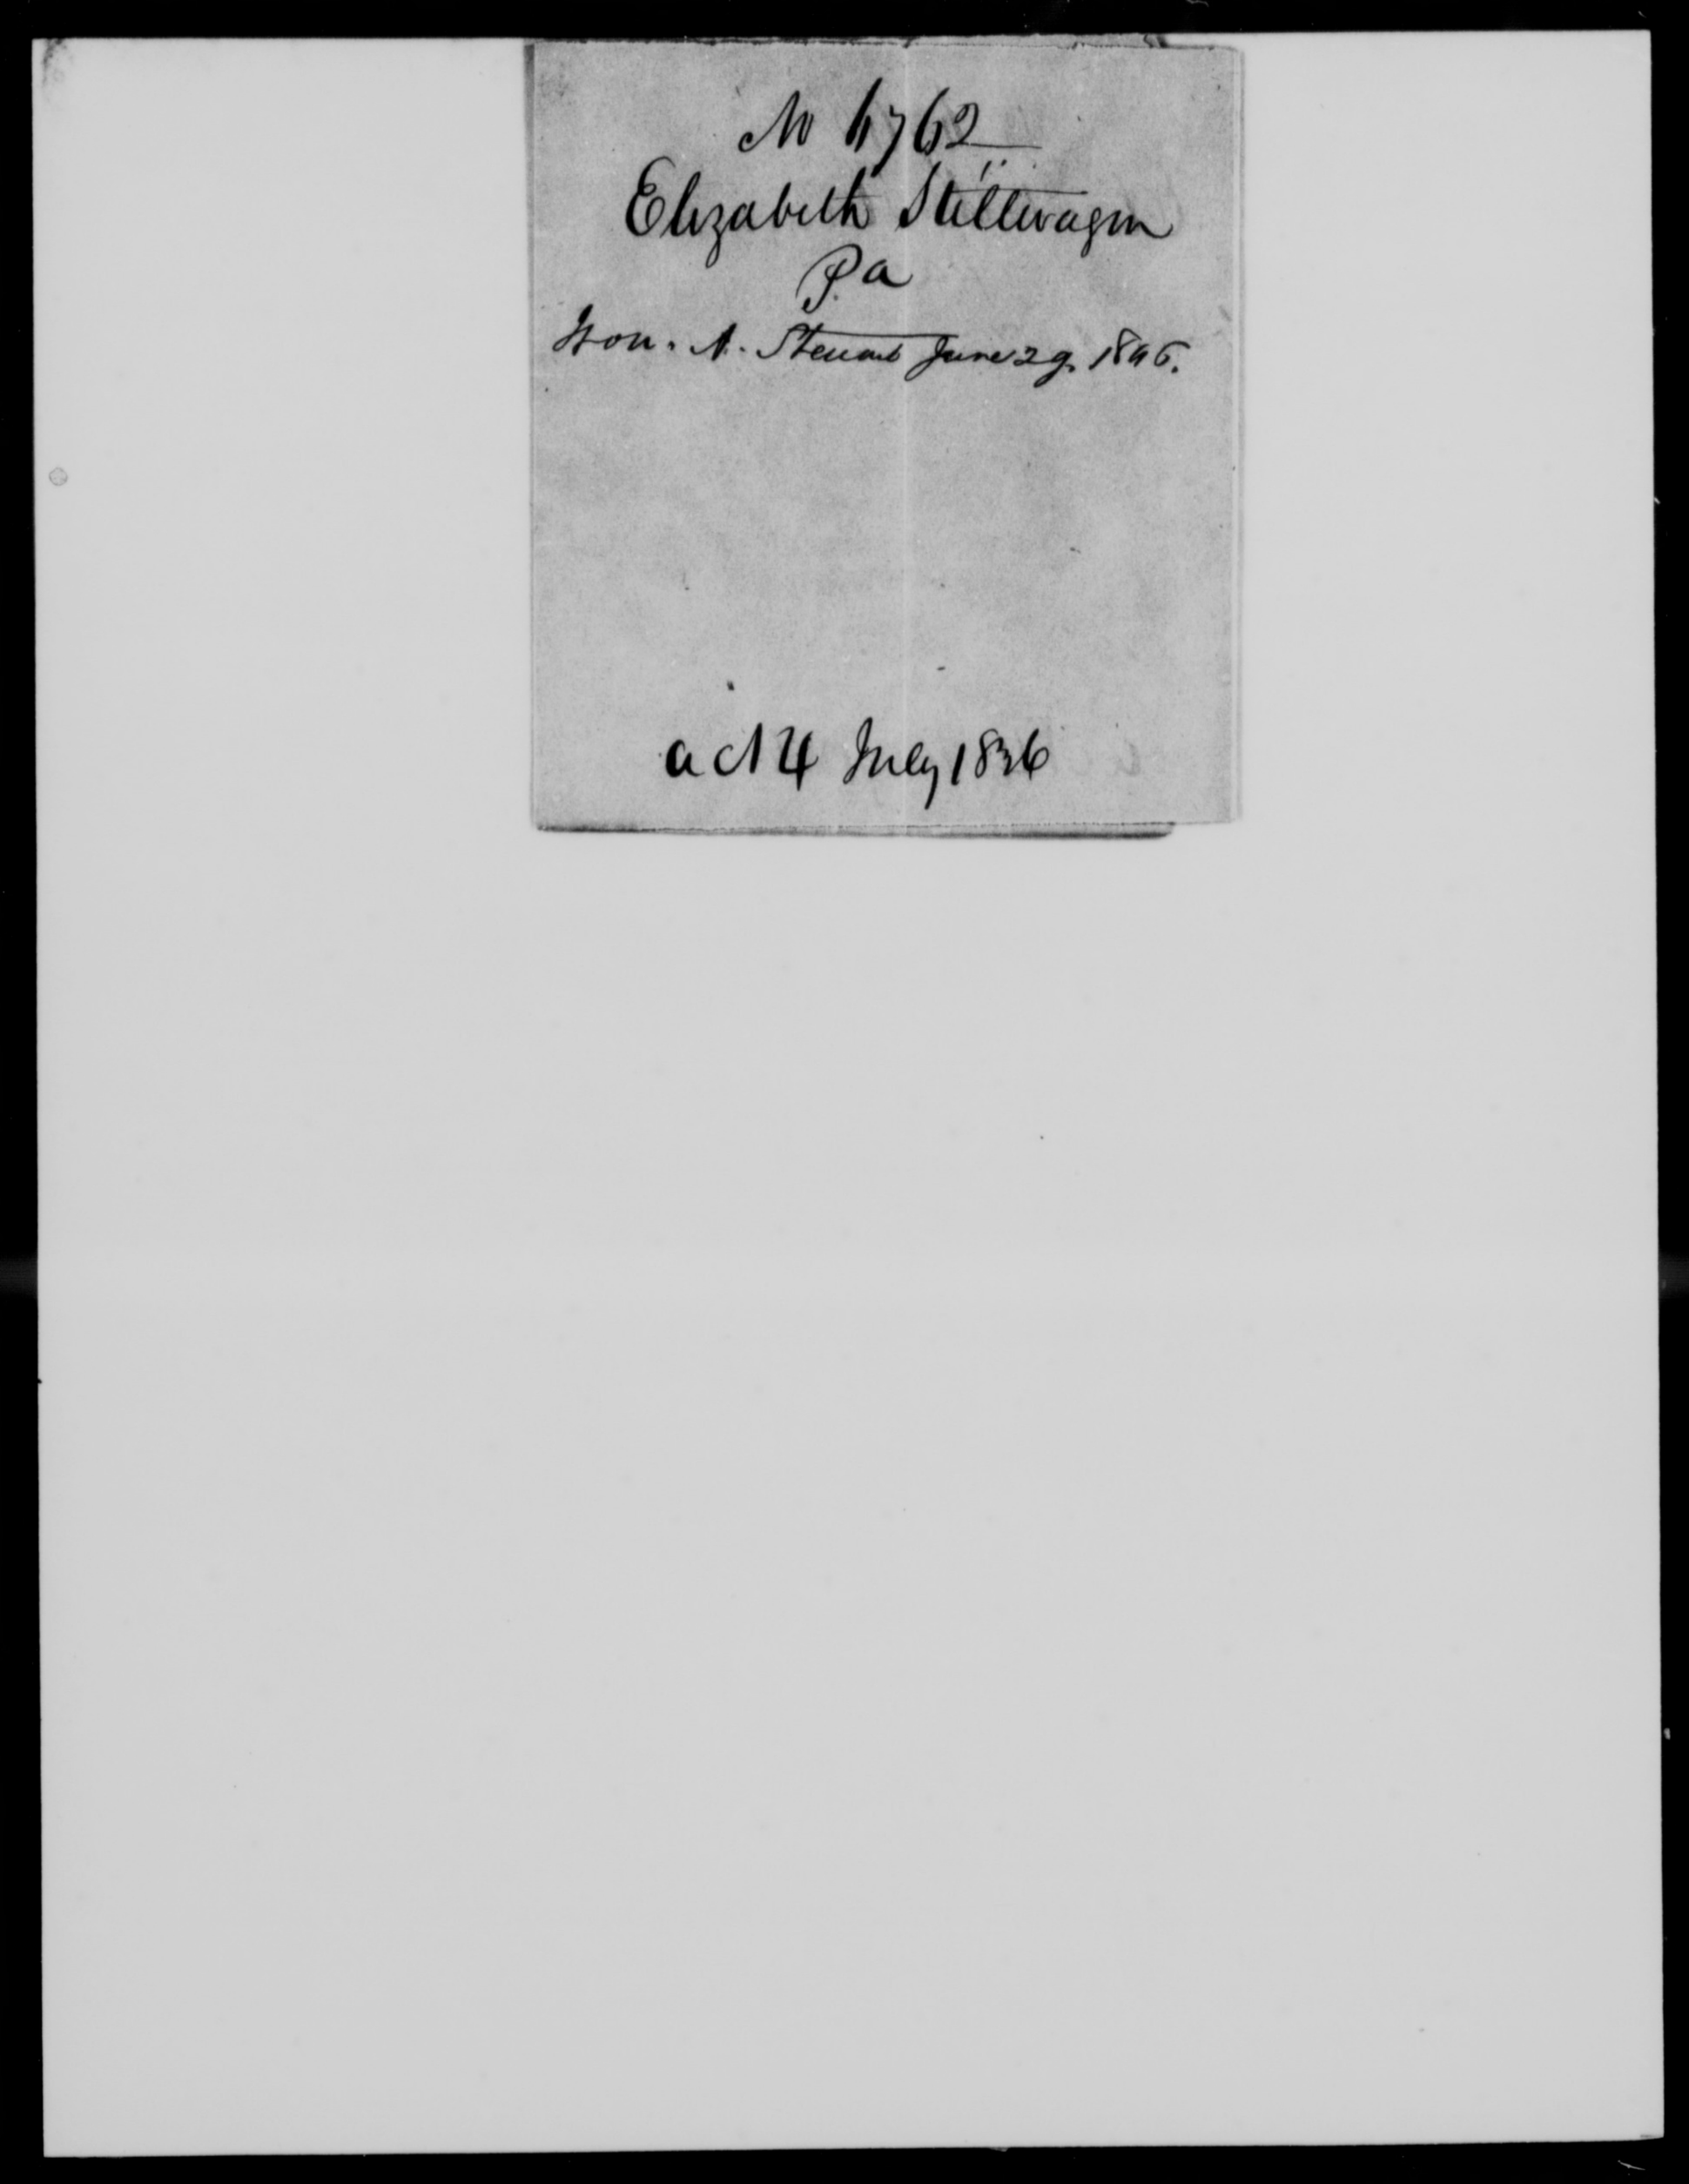No 4762
Elizabeth Stillwagin [sic]
Pa
Hon. A. Stewart June 29, 1846
a14 July 1836 [tens digit of year is unclear]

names: A Stewart; Elizabeth Stillwagon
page: 17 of 73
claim: widow's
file: W. 3197, for Peter Stillwagon, New Jersey